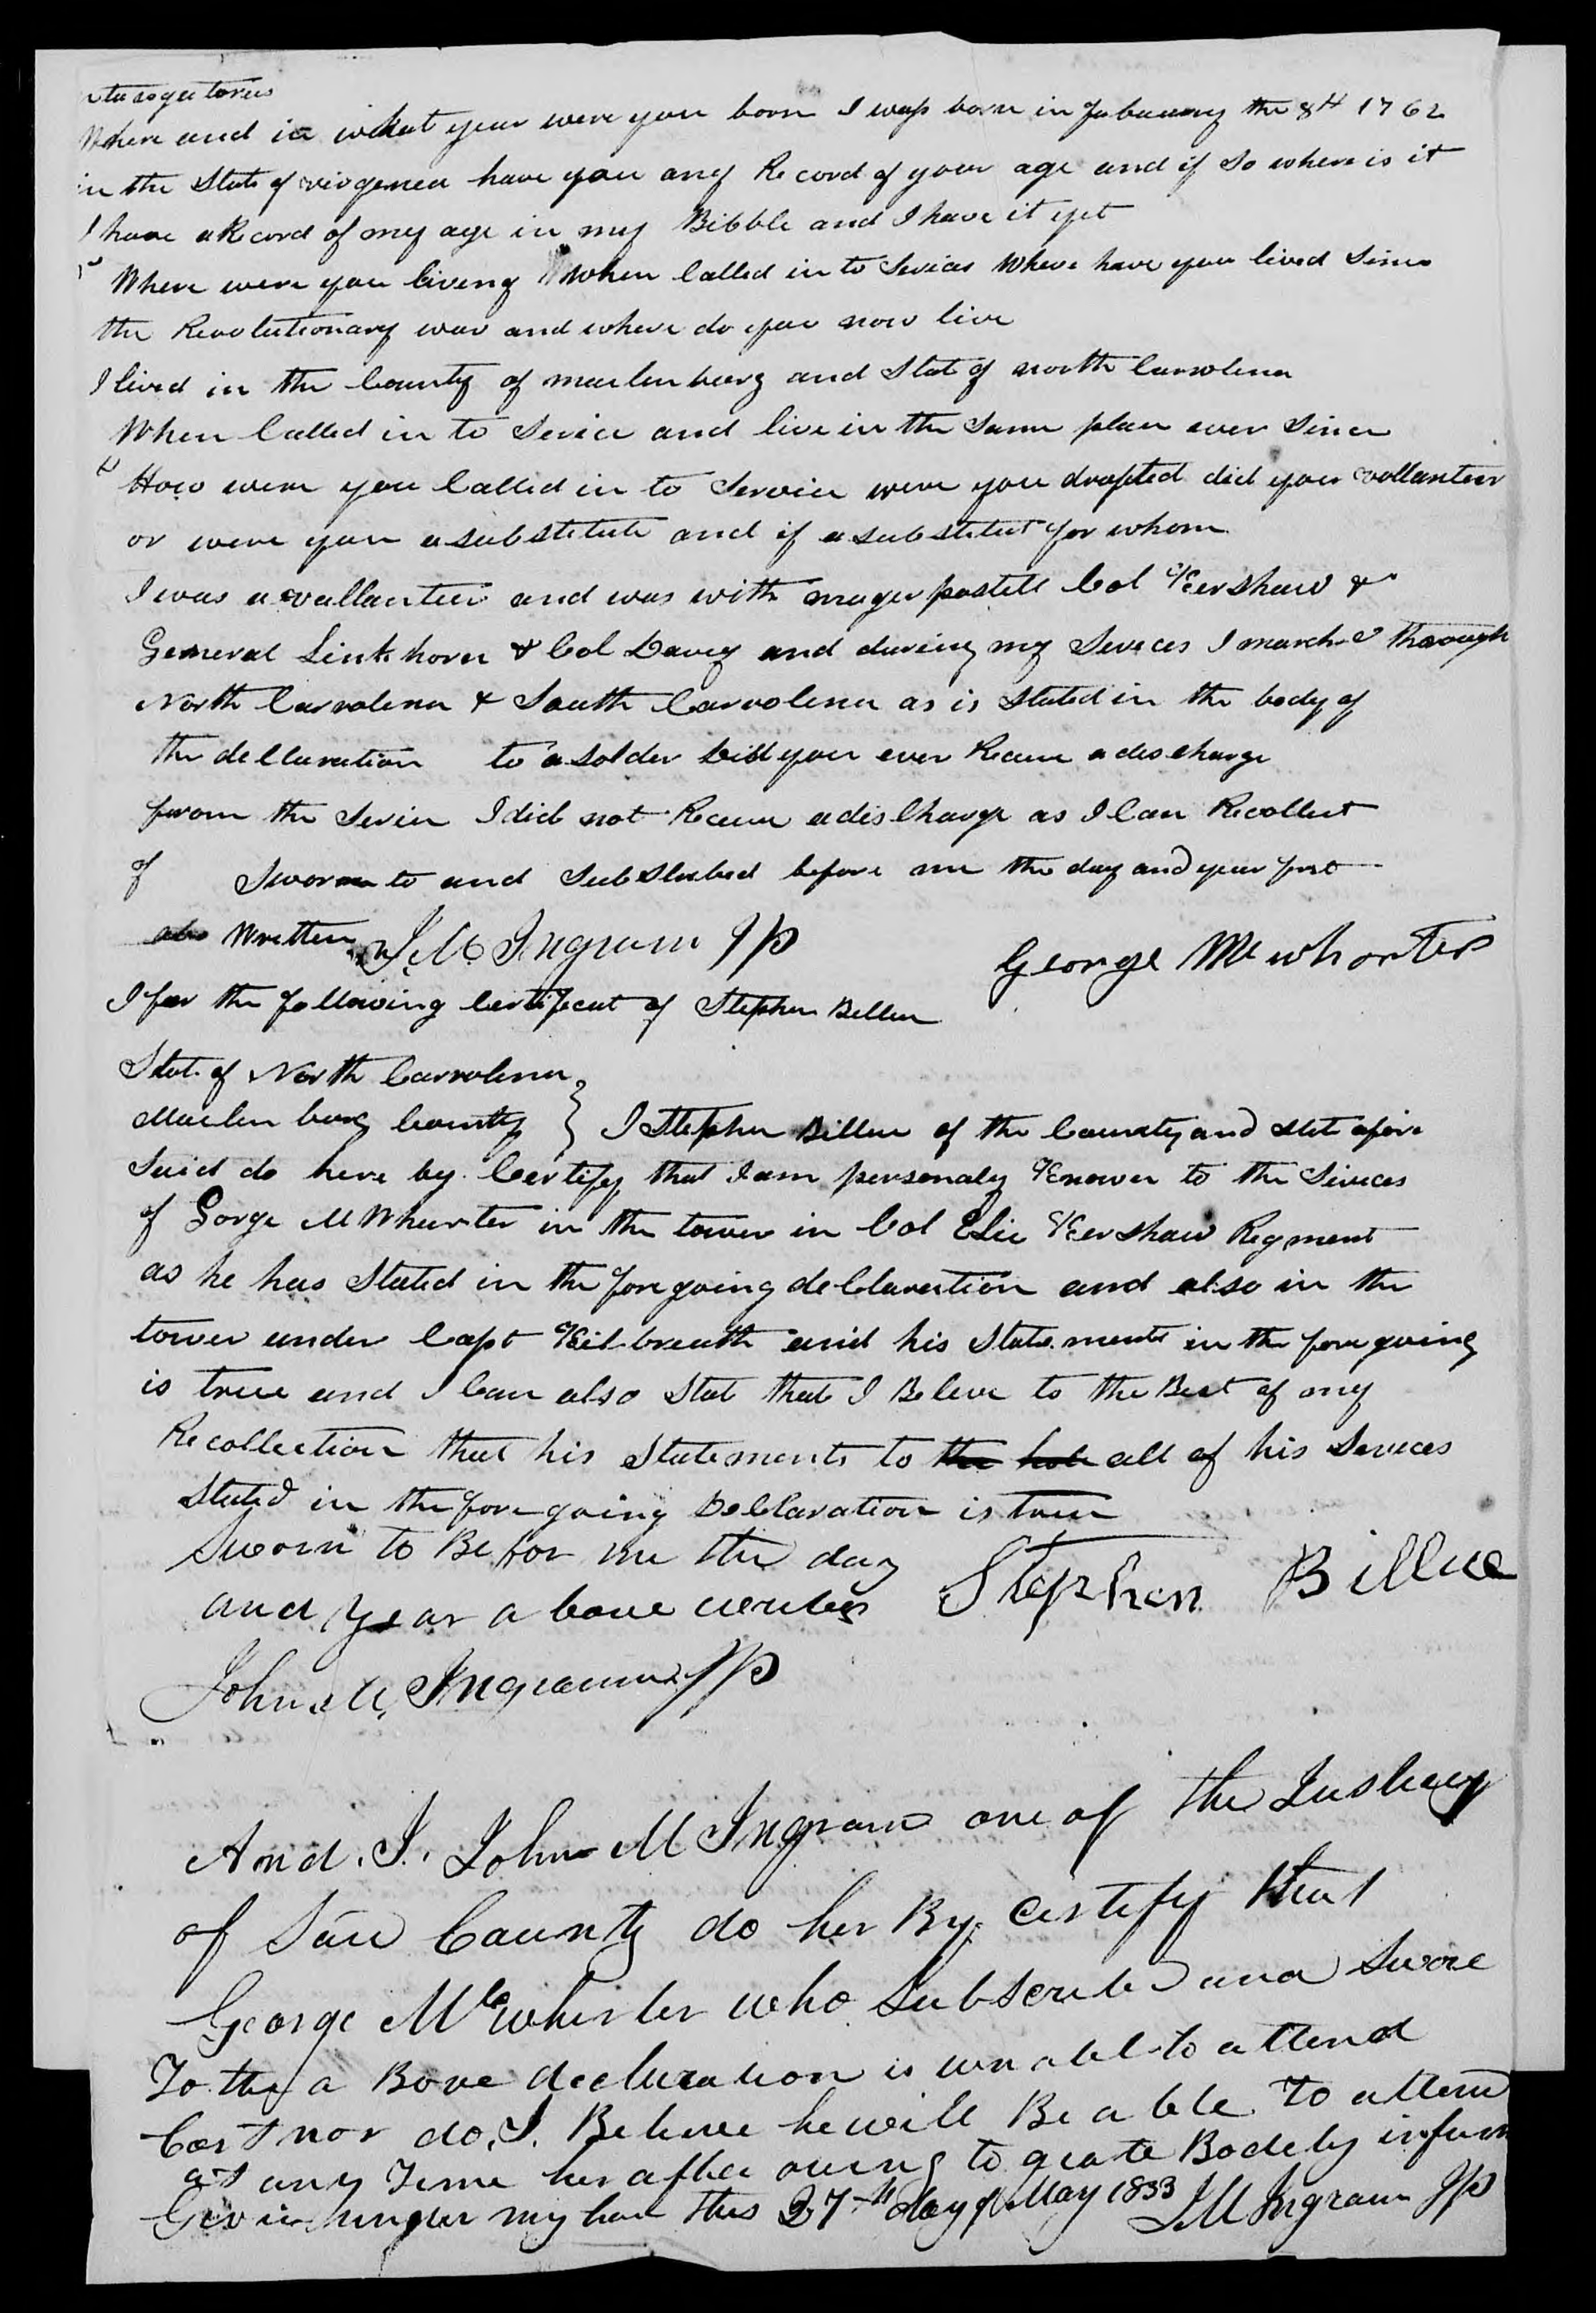Interrogatories
Where and in what year were you born
I was born in February the 8th 1762 in the State of Virginia
have you any Record of your age and if so where is it
I have a Record of my age in my Bible and I have it yet
Where were you living when called in to service Where have you lived since the Revolutionary war and where do you now live
I lived in the County of Mecklenburg and State of North Carolina when called in to Service and live in the same place ever since
How were you called into service were you drafted did you volunteer or were you a substitute and if a substitute for whom
I was a volunteer and was with Major Postell, Col Kershaw & General Lincoln & Col Davey and during my Services I marched through North Carolina & South Carolina as is stated in the body of the declaration to a soldier
Did you ever Receive a discharge from the Service 
I did not Receive a discharge as I can Recollect of
Sworn to and subscribed before me the day and year first written
JM Ingram ( signed ) JP
George McWhorter ( signed )

& for the following Certificate of Stephen Bellue
State of North Carolina
Mecklenburg County
I Stephen Bellue of the County and state aforesaid do hereby Certify that I am personally known to the Services of George McWhorter in the tour in Col Edie Kershaw Regiment as he has Stated in the foregoing declaration and also in the tower under Capt Kilbreth and his statements in the foregoing is true and can also state that I believe to the Best of my Recollection that his statements to all of his Services Stated in the foregoing Declaration is true
Sworn to before me the day and year above written
John M Ingram ( signed ) JP
Stephen Bellue ( signed )

And I, John M Ingram one of the Justices of Said County do hereby certify that George McWhorter who subscribed and swore to the above declaration is unable to attend Court nor do I believe he will be able to attend it any time hereafter owing to grate (great ) bodily infirmity
Given under my hand this 27th day of May 1833 
JM Ingram ( signed ) JP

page: 8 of 35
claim: survivor's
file: S. 9,011, for George Mc Whorter, North Carolina